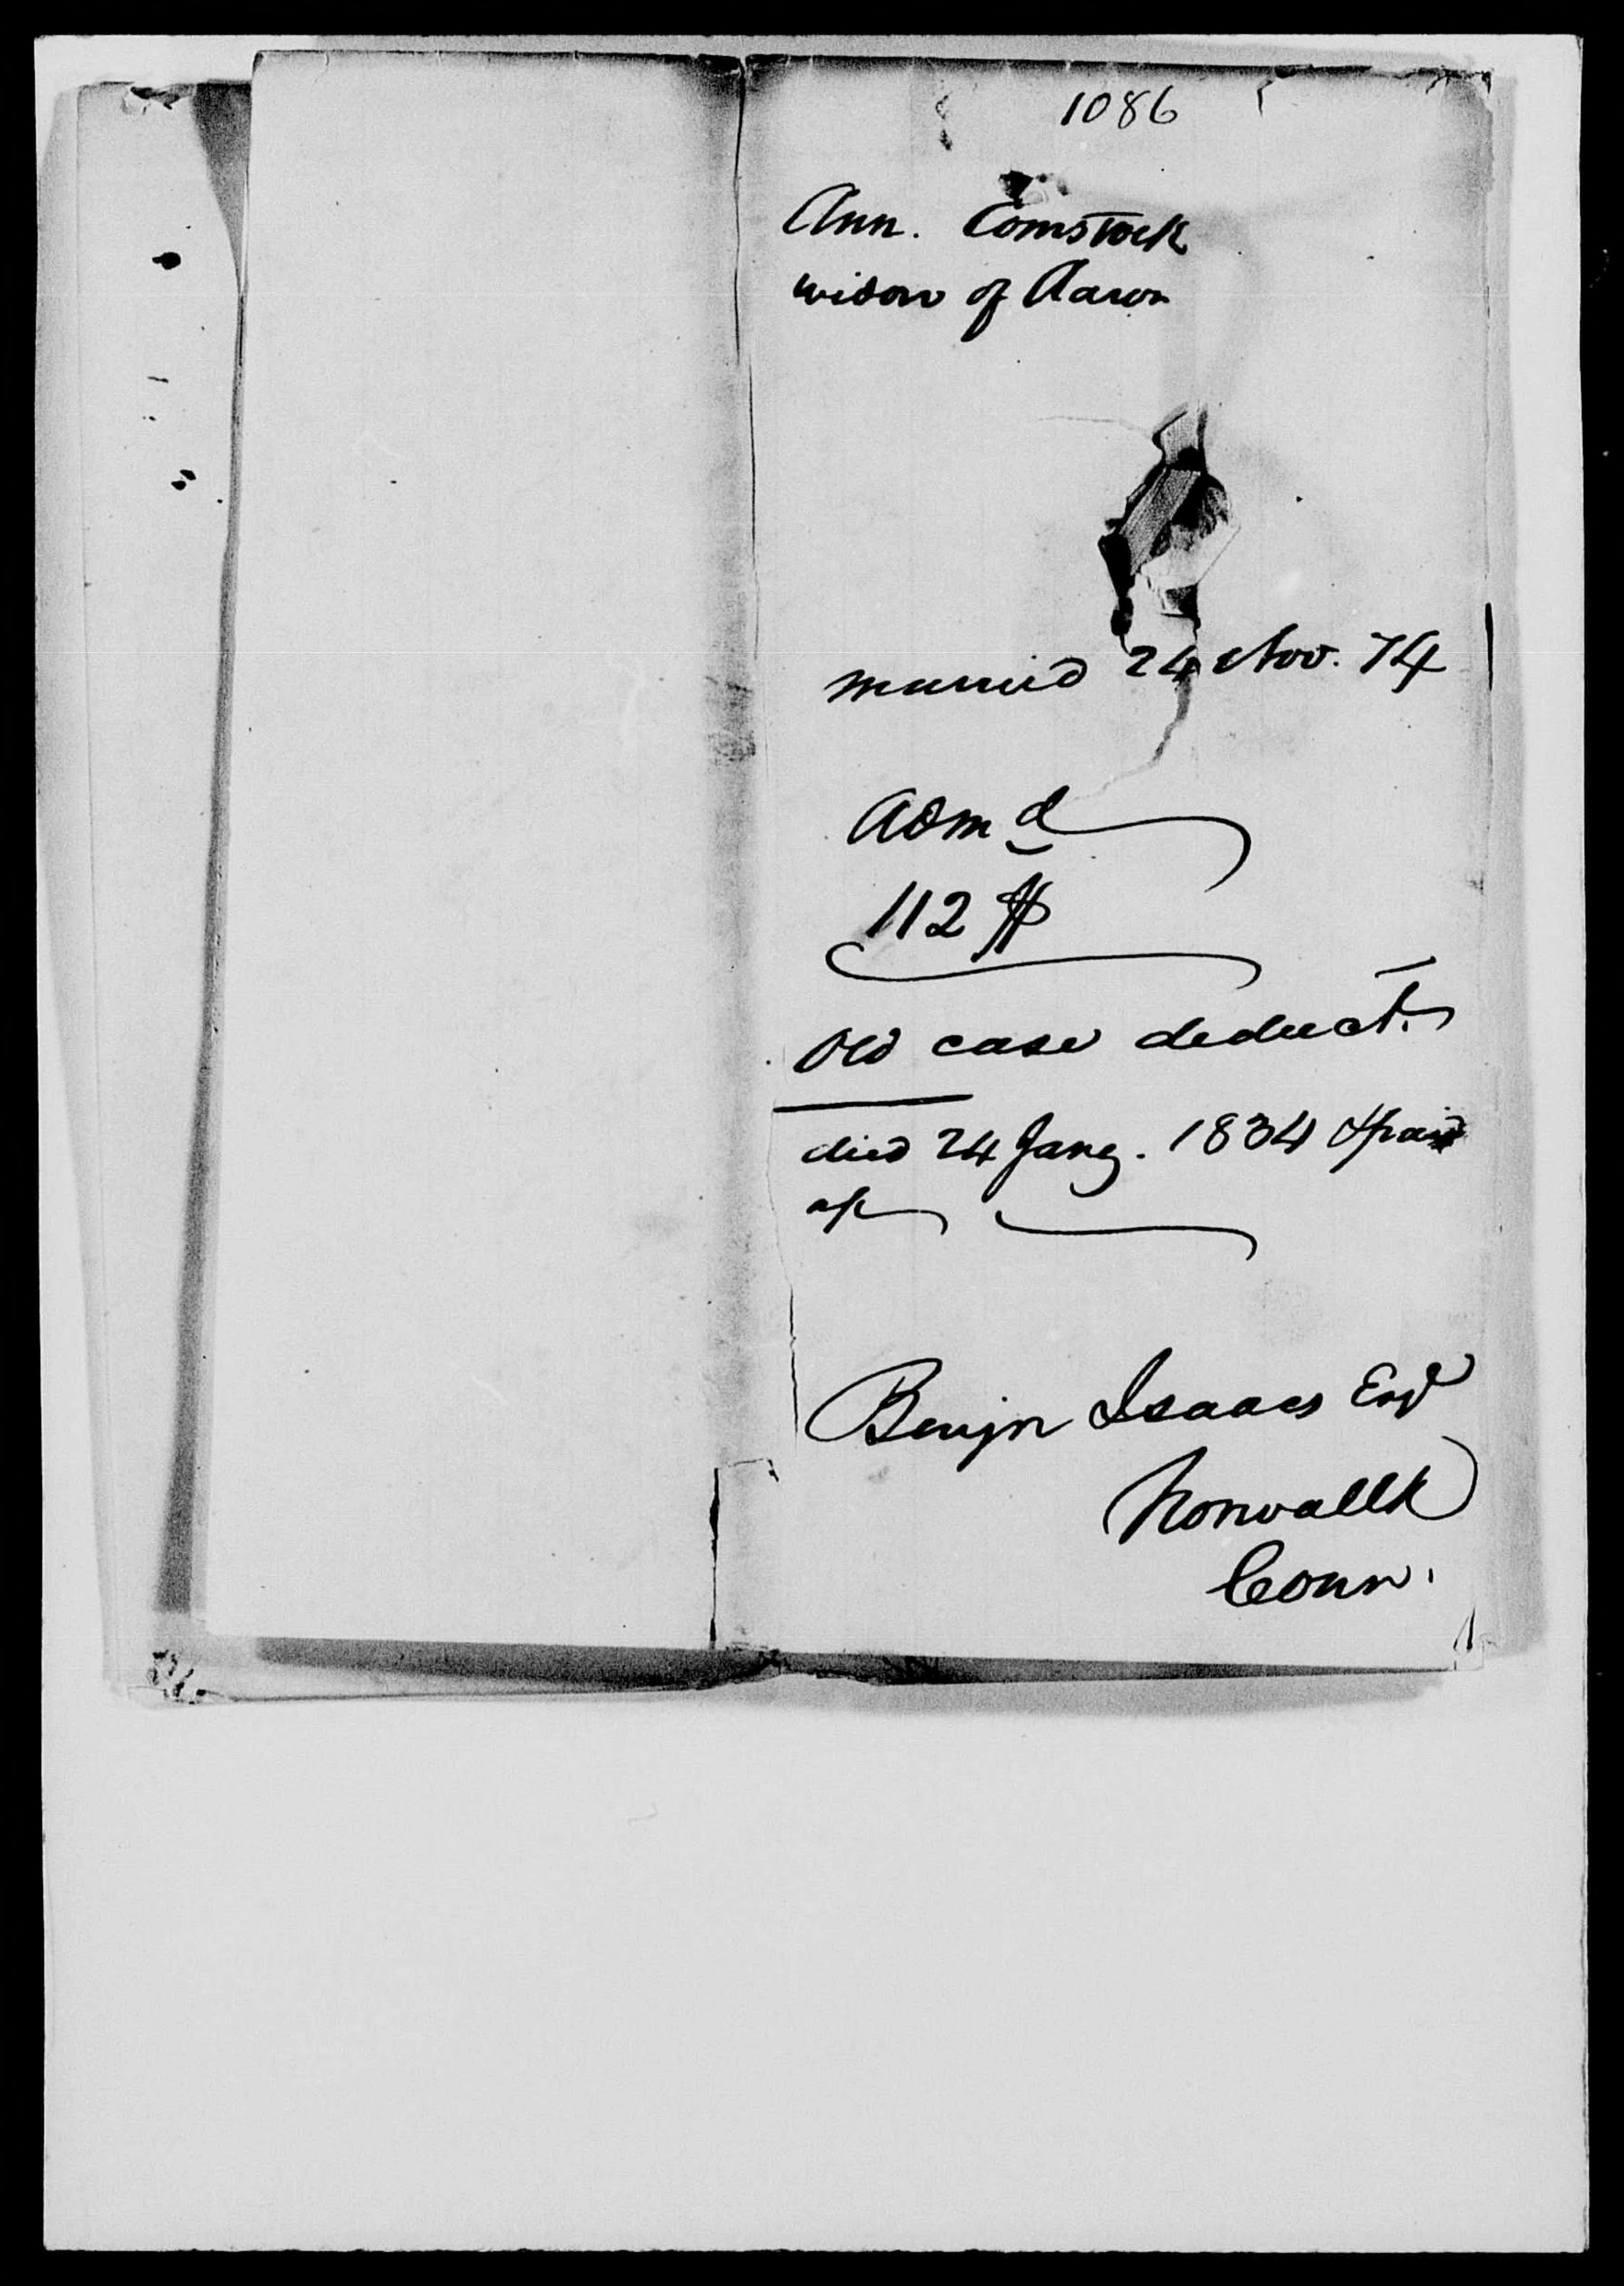1086

Ann. Comstock
widow of Aaron

married 24 Nov. 74

admd
112$

Old case deduct.
died 24 Jany. 1834 [illegible]
ap

Benjn Isaacs Esqr
Norwallk
Conn.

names: Ann Comstock, Aaron Comstock, Benjn Isaacs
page: 8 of 43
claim: widow's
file: W. 17,647, Aaron Comstock, Conn.